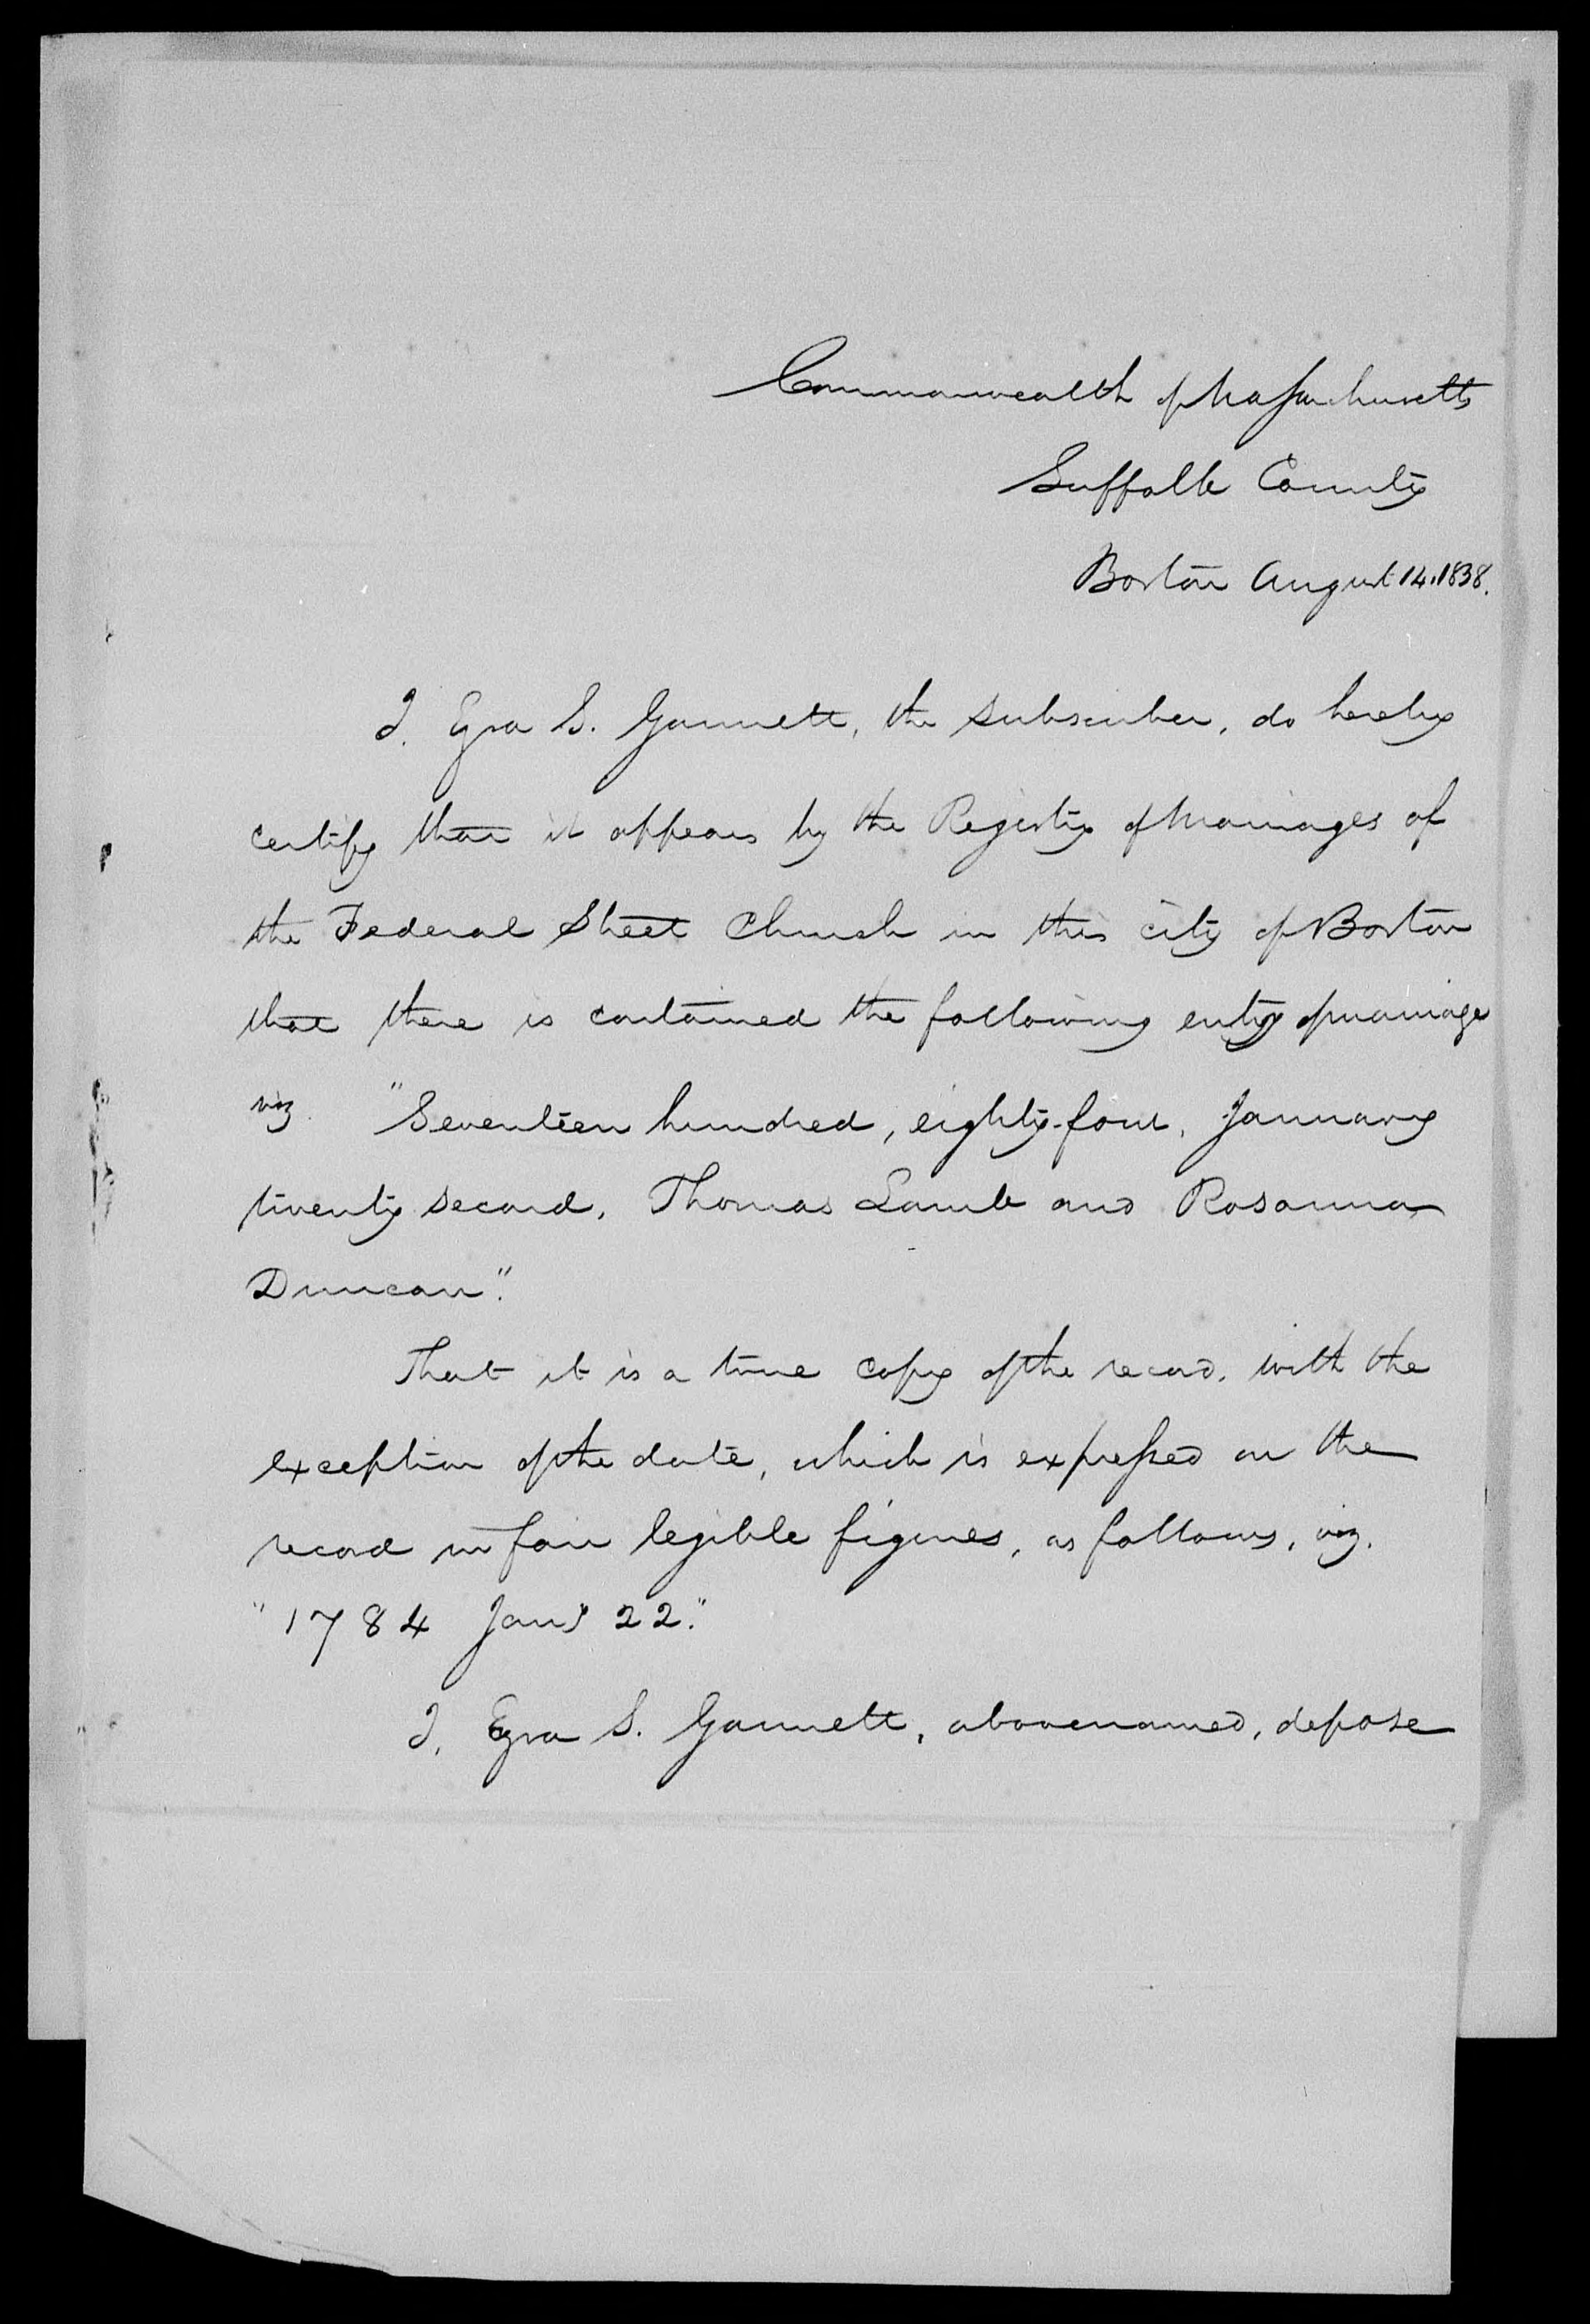Commonwealth of Massachusetts,
Suffolk County
Boston August 14, 1838.

I, Ezra S. Gannett, the subscriber, do hereby certify that it appears by the Registry of Marriages of the Federal Sheet Church in the city of Boston that there is contained the following entry of marriage viz. "Seventeen hundred, eighty-four, January twenty second, Thomas Lamb and Rosanna Duncan."
That it is a true copy of the record, with the exception of the date, which is expressed on the record in four legible figures, as follows, viz. "1784 Jany 22".

I, Ezra S. Gannett, abovenamed, depose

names: Ezra S Gannett; Thomas Lamb; Rosanna Duncan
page: 8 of 23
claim: widow's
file: W. 15010, for Thomas Lamb, Massachusetts